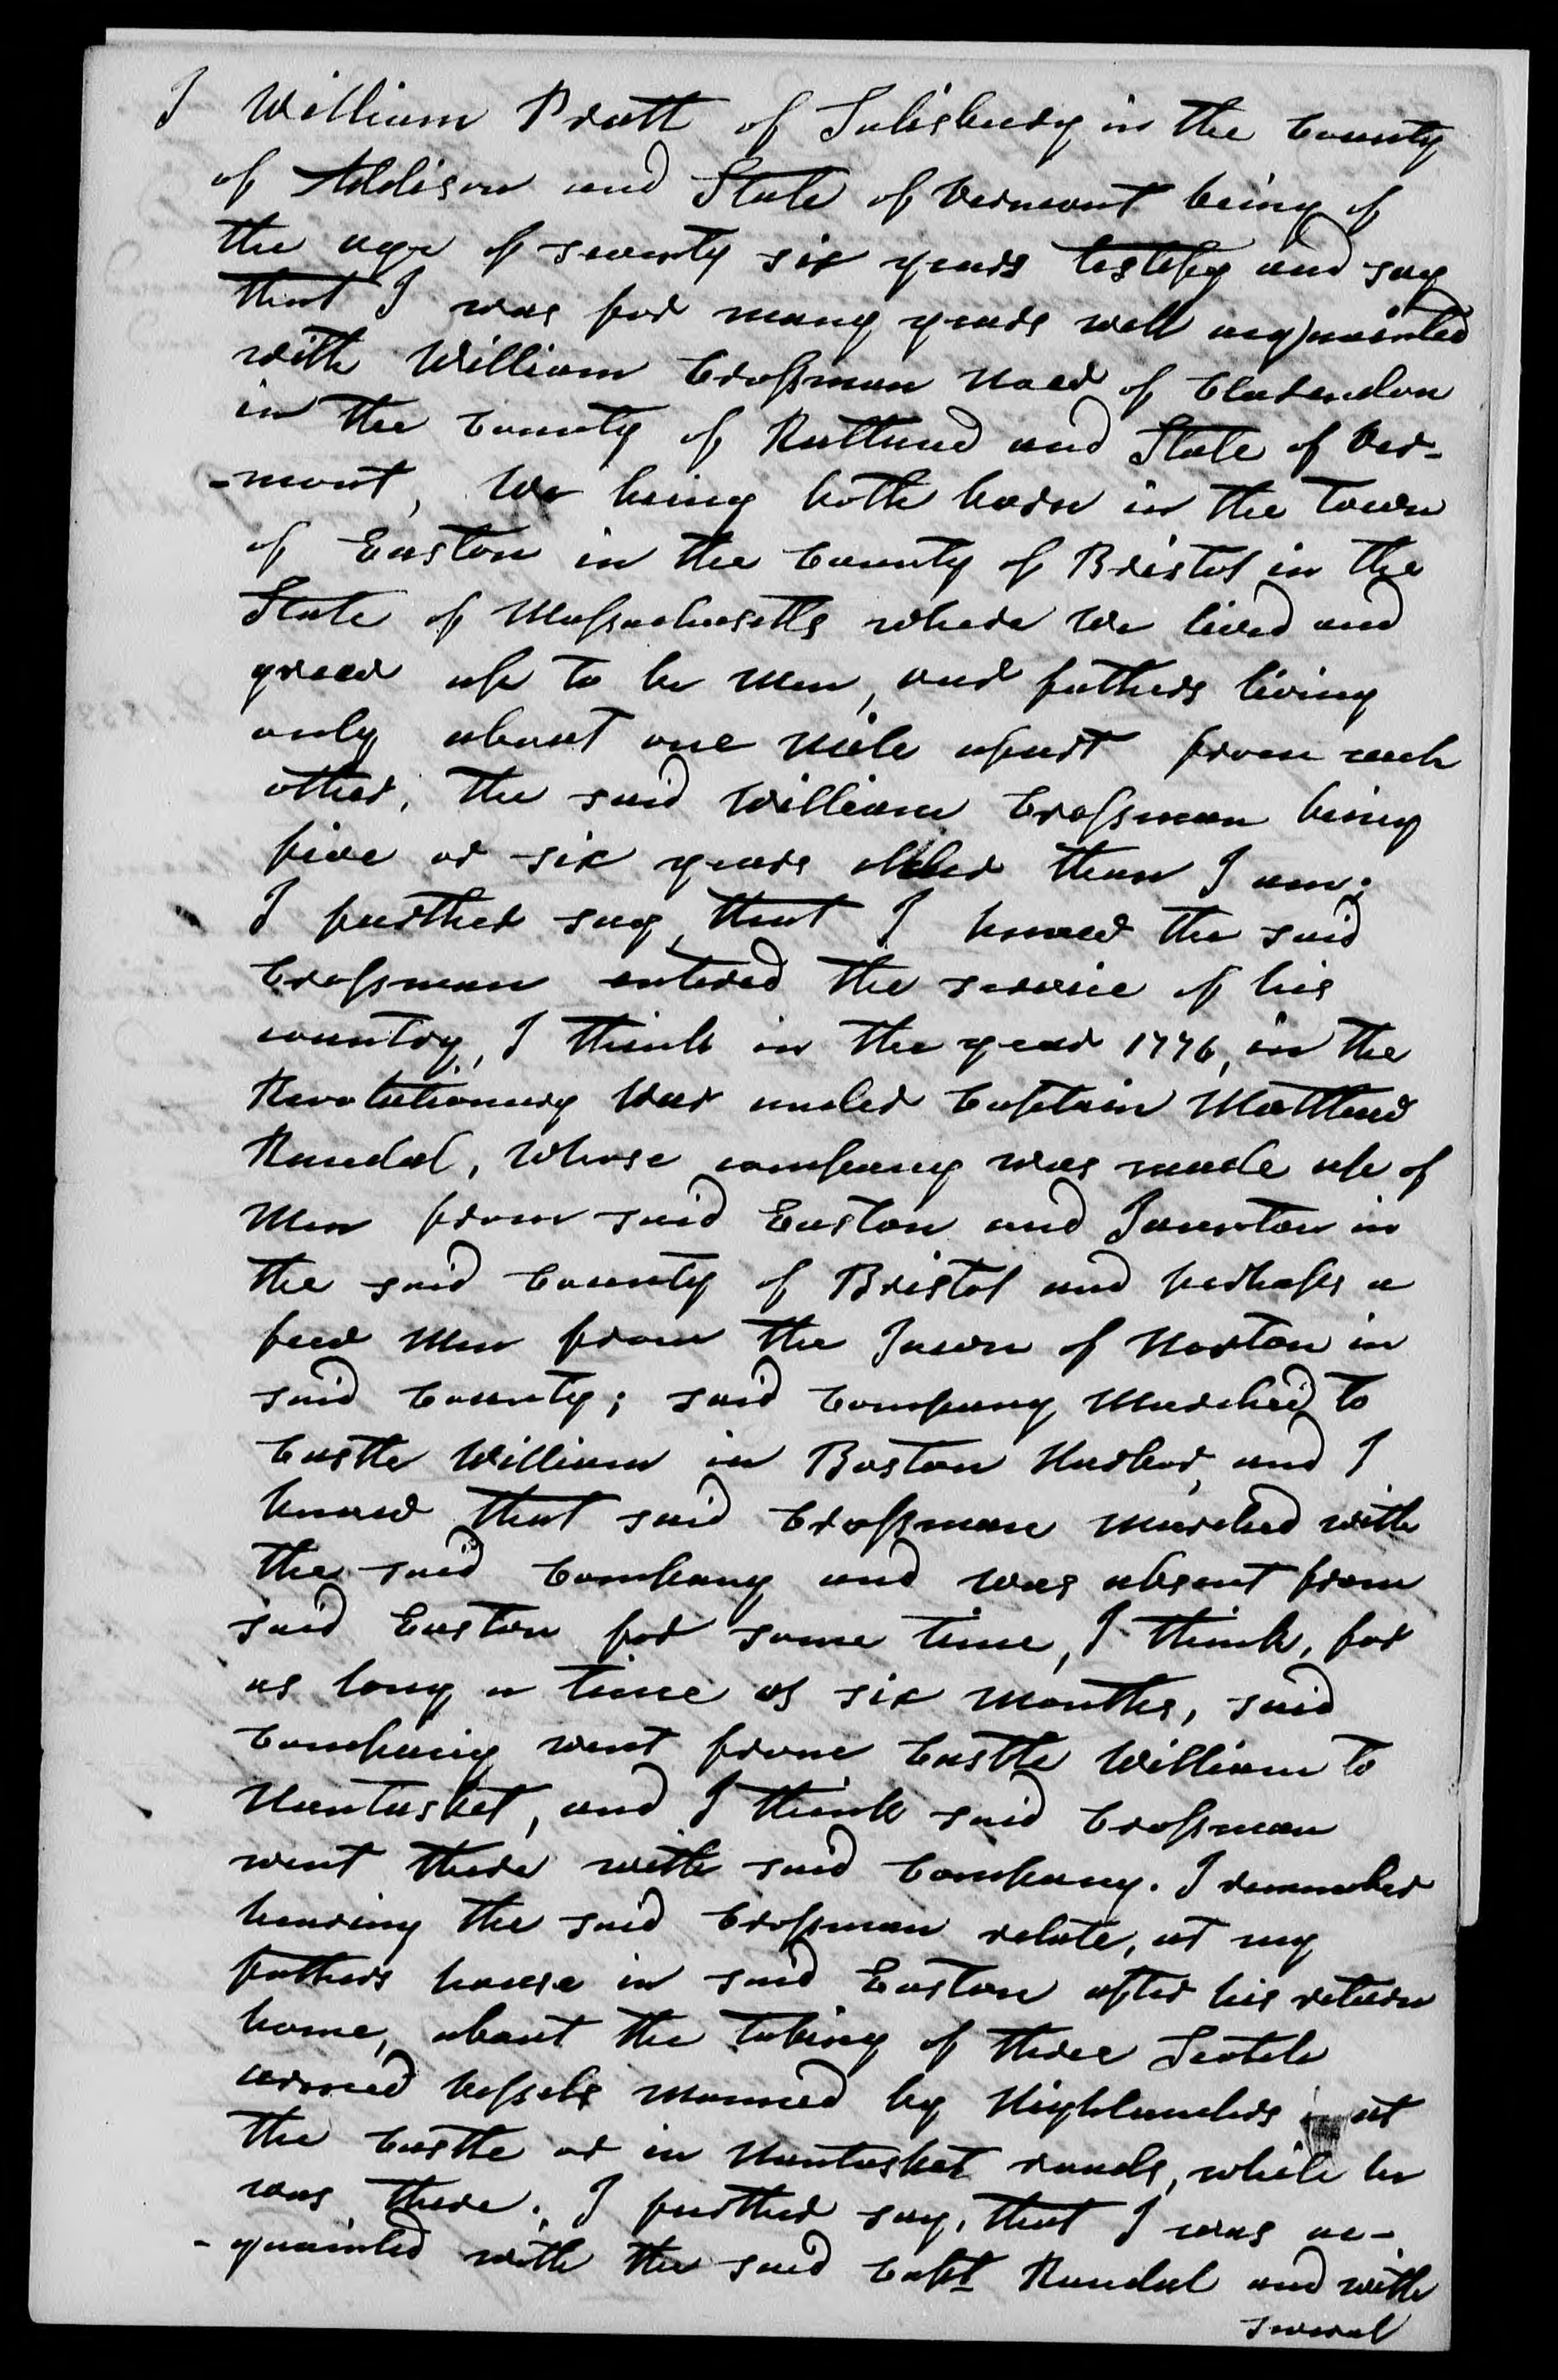I William Pratt of Salisbury in the County of Addison and State of Vermont being of the age of seventy six years testify and say that I was for many years well acquainted with William Crossman now of Clarendon in the County of Rutland and State of Vermont, we being both born in the town of Easton in the County of Bristol in the State of Massachusetts where we lived and grew up to be men, and fathers living only about one mile apart from each other, the said William Crossman being five or six years older than I was; 
I further say that I heard the said Crossman entered the service of his country, I think in the year 1776, in the Revolutionary War under Captain Matthew Rundal, whose company was made up of Men from said Easton and Taunton in the said County of Bristol and perhaps a few men from the Town of Norton in said County; said company marched to Castle William in Boston Harbor, and I heard that said Crossman marched with the said Company and was absent from said Easton for some time, I think, for as long a time as six months, said company went from Castle William to Nantasket, and I think said Crossman went there with said company. I remember hearing the said Crossman relate, at my father's house in said 
Easton after his return home, about the taking of three [illegible] around [illegible] by Highlanders at the Castle and in Nantasket [illegible] , while he was there. I further say, that I was acquainted with the said Capt. Rundal and with several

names: William Pratt, William Crossman, Rundal, William, Matthew Rundal, Crossman, Crossman, Crossman, William Crossman, William, Crossman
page: 19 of 33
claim: survivor's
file: S. 12632, William Crossman, Mass. Vt.